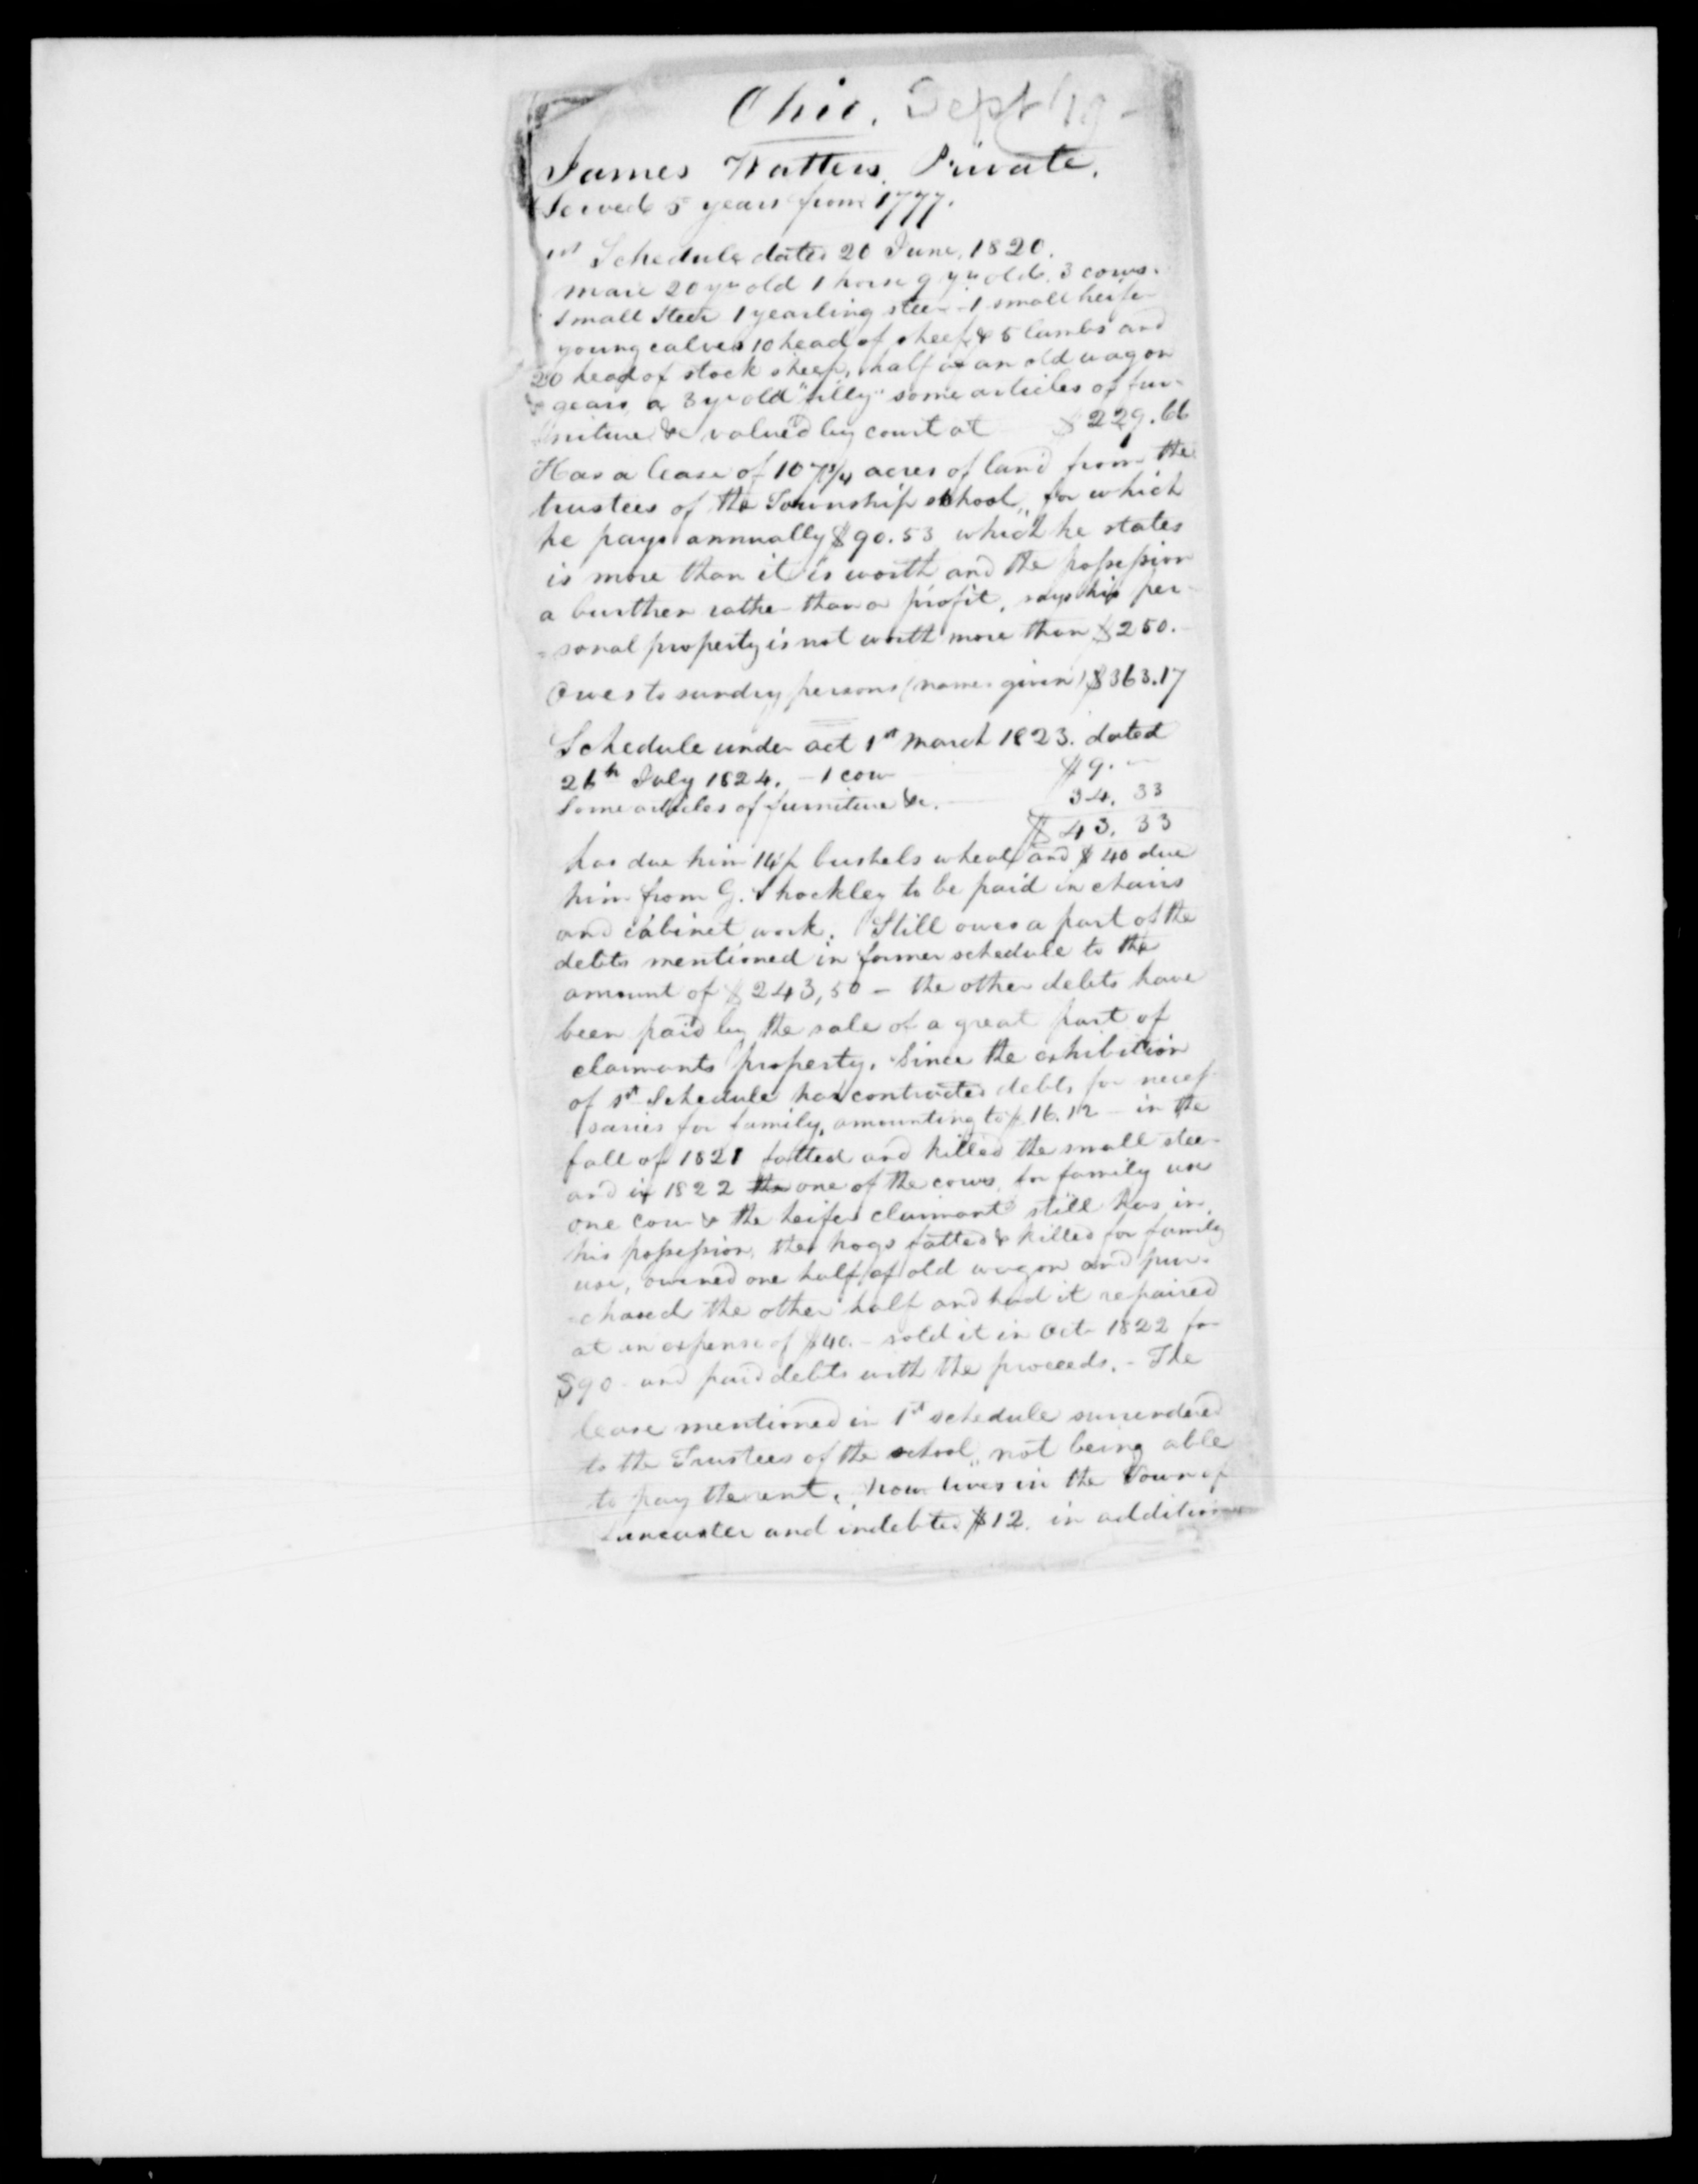Ohio, Sept 19
James Watters Private served 5 years from 1777.
in Schedule date 20 June, 1820.  man 20 yr old 1 horse 9 yr. old, 3 cows, Small Steer 1 yearling steer small heifer young calves 10 head of sheep & 5 lambs and head of stock sheep, half in an old wagon & gears a 3yr old "filly" some articles of furniture & valued by court at $229.66

Has a lease of 107 3/4 acres of land from the trustees of the Township school, for which he pays annually $90.53, which he states is more than it is worth and the possession a burthen rather than a profit, [illegible] personal property is not with more than $250.  Owes to sundry persons (names given) $363.17  Schedule under act 1st March 1823. dated 26th July 1824, 1 cow - some articles of furniture.

$ 9.00
 34.33
 ---------
 $ 43.33
 
has due him 14 [illegible] bushels wheat and $ 40 due him from G. Shockley to be paid in chairs and cabinet work.  still owes a part of the debts mentioned in former schedule to the amount of $243,50-- the other debts have been paid by the sale of a great part of claimants property,  Since the exhibition of 1st Schedule has contracted debt, for necessaries for family, amounting to $16. 12 in the fall of 1821 fatted and killed the small steer and in 1822 one of the cows or family use one cow & the heifer claimant still has in his possession, that hogs fatted & killed for family use, owned one half of old wagon and purchased the other half and had it repaired at an expense of $40. sold it in Oct 1822 for $90 and paid debts with the proceeds, The lease mentioned in 1st schedule surrendered to the Trustees of the school not being able to pay the rent, now lives in the Town of Lancaster and indebted $12, in addition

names: James Watters, G Shockley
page: 26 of 29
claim: survivor's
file: S. 40642, James Waters, Continental (Md)